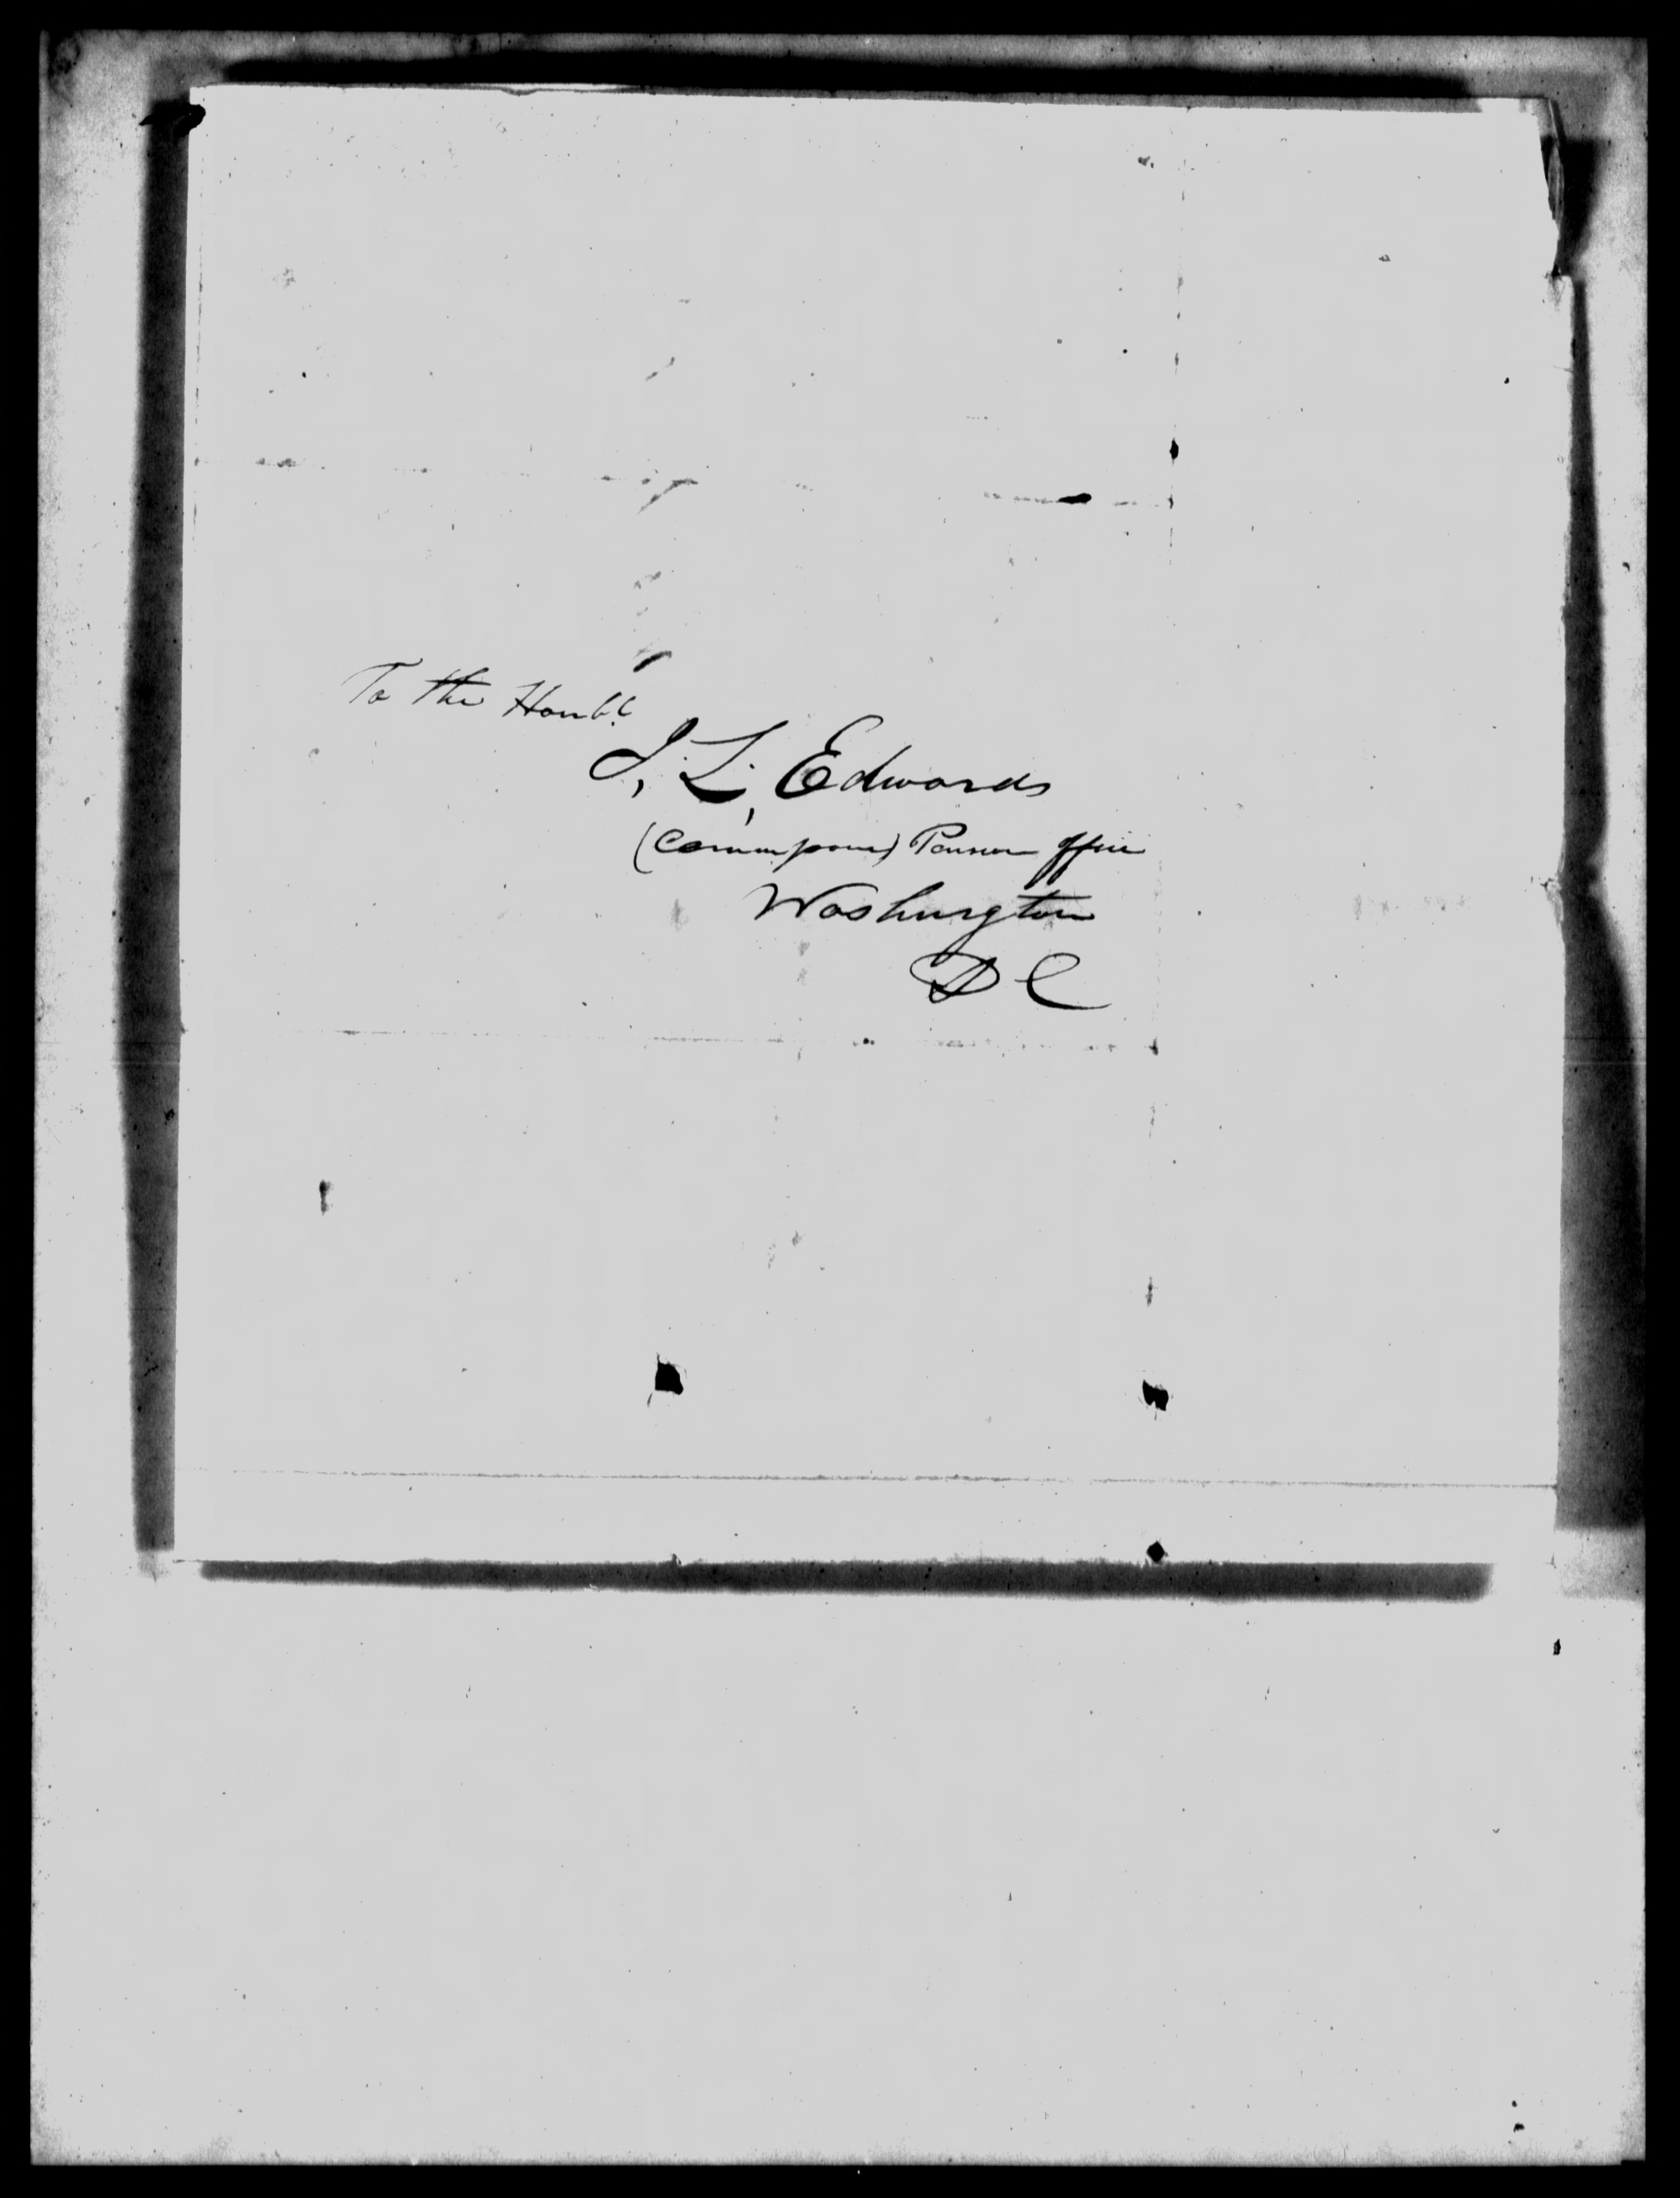To the Honbl. [Honorable] 
J. L. Edwards
(Commissioner) Pension office
Washington 
D C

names: J L Edwards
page: 18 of 43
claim: survivor's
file: S. 15240, Thomas White, Md.